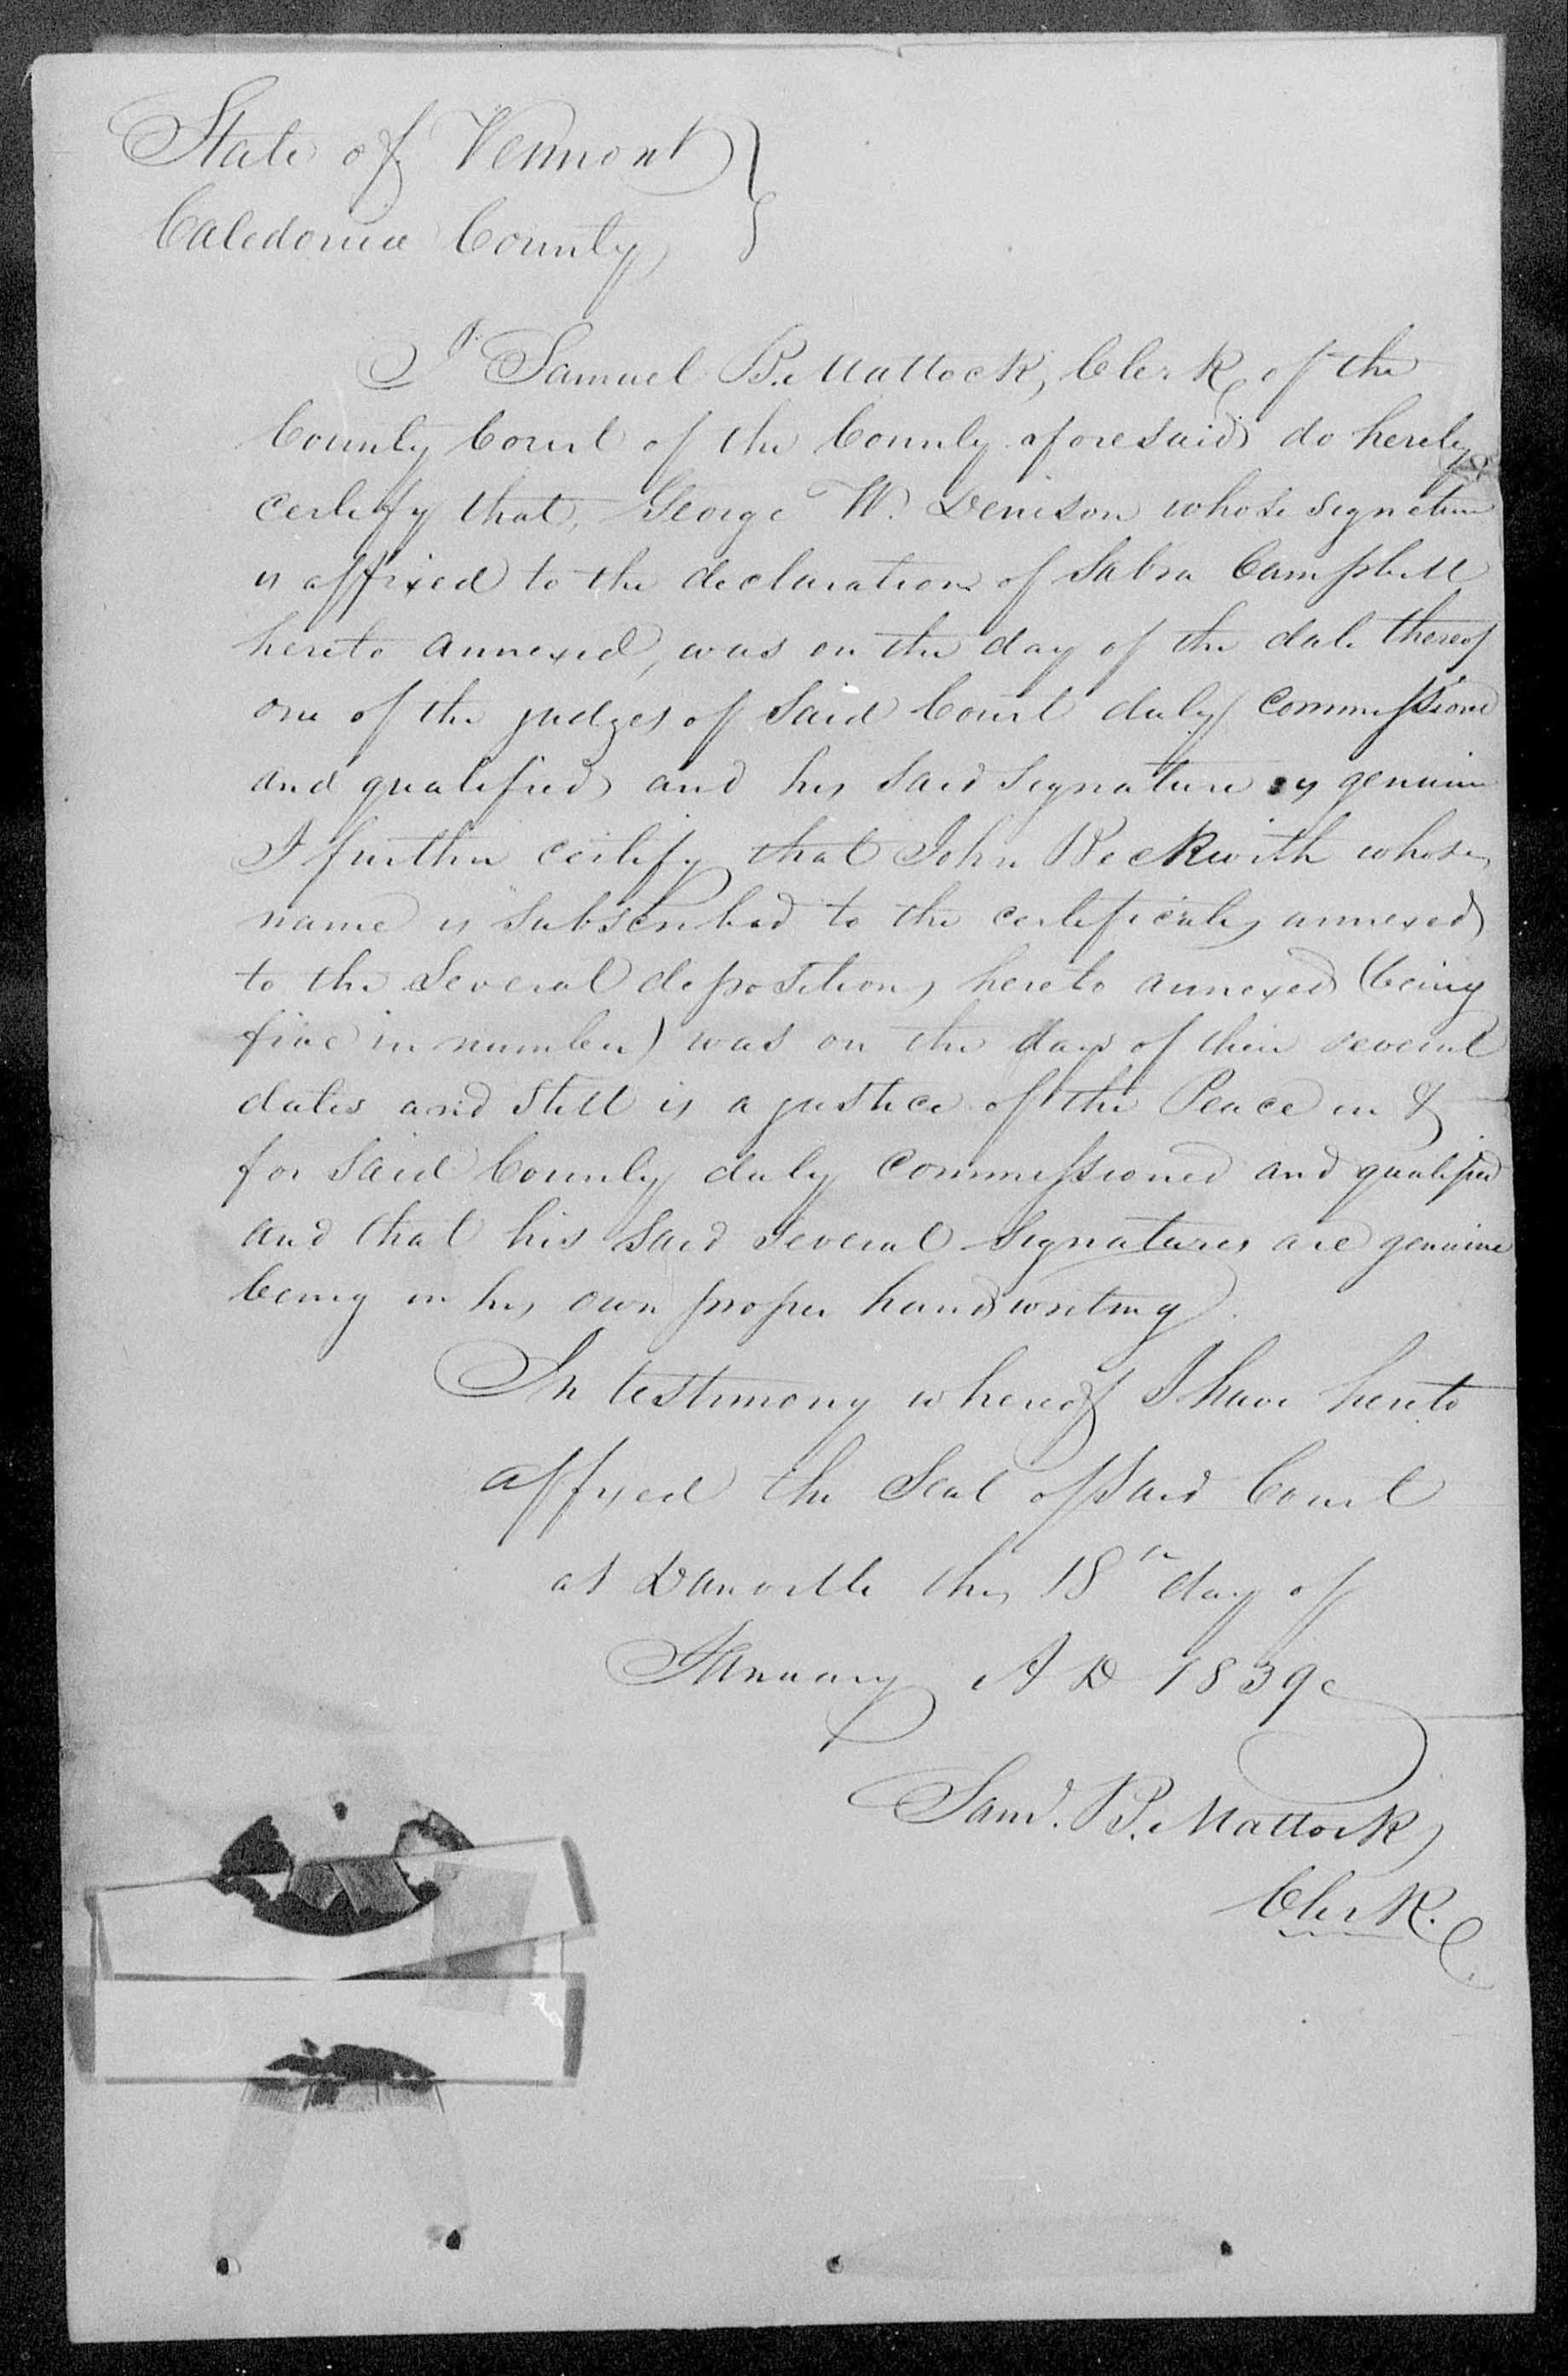State of Vermont} 
Caledonia County}

I Samuel B. Mattock, Clerk of the County Court of the County aforesaid, do hereby certify that George W. Denison whose signature is affixed to the declaration of Sabra Campbell hereto annexed, was on the day of the date thereof one of the Judges of Said Court duly commissioned and qualified and his Said signature is genuine I further certify that John Beckwith whose name is Subscribed to the certificate annexed to the Several depositions hereto annexed (being five in number) was on the days of their several dates and still is a justice of the Peace in & for Said County duly commissioned and qualified and that his Said Several Signatures are genuine
being in his own proper hand writing

In testimony whereof I have hereto affixed the Seal of Said Court at Danville this 18th day of
January AD 1839
Sam B. Mattock
Clerk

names: John Beckwith, George W Denison, Samuel B Mattock, Sabra Campbell, Saml B Mattock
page: 35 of 67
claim: widow's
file: W. 23772, James Campbell, Continental Mass.